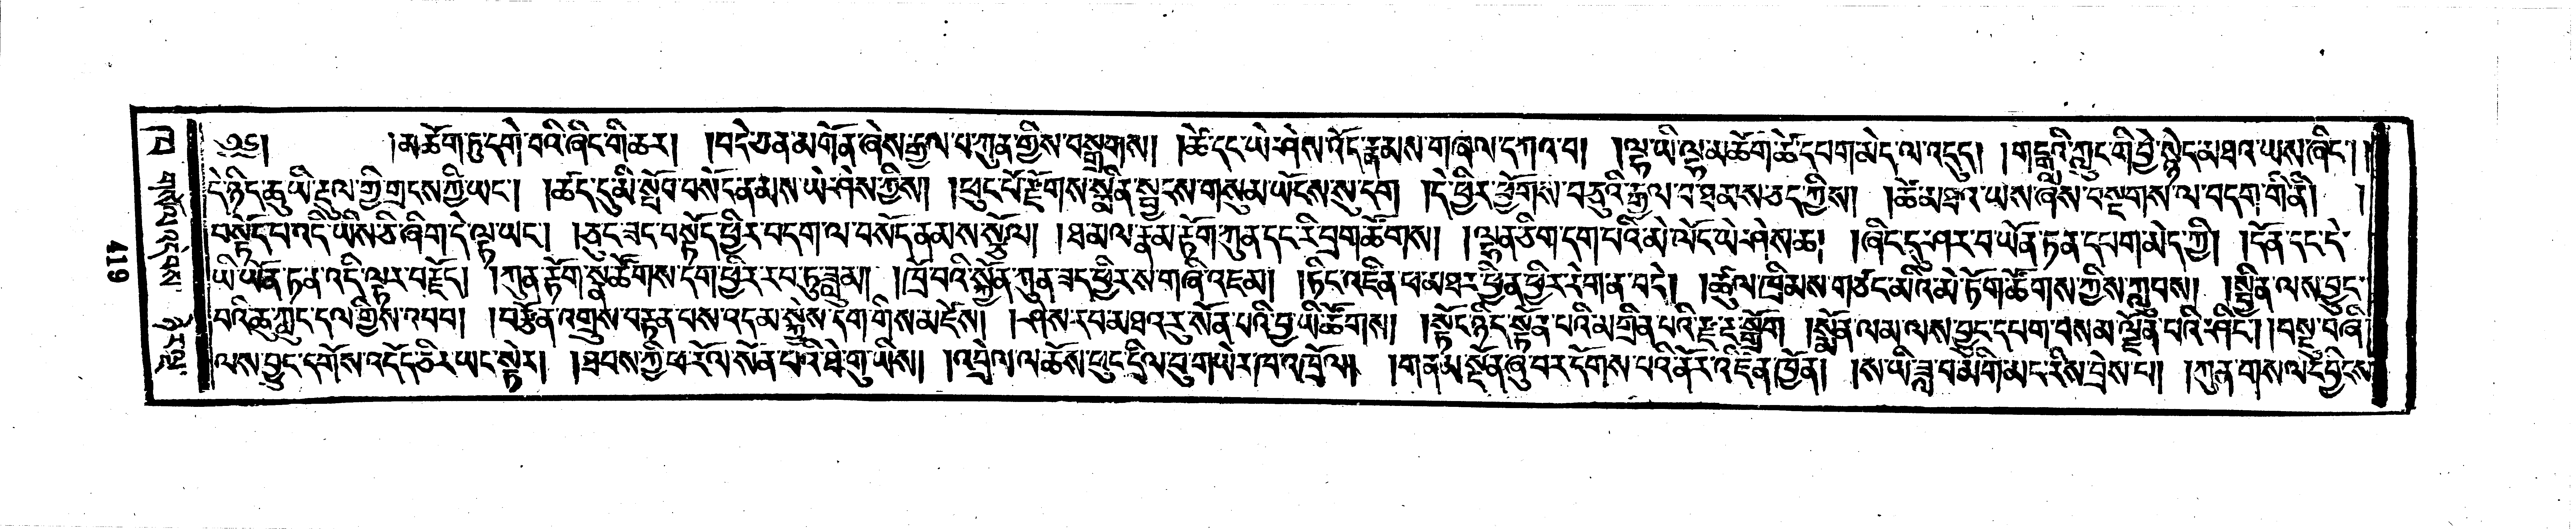༄༅། །མཆོག་ཏུ་དགེ་བའི་ཞིང་གི་ཆར། །བདེ་ཅན་མགོན་ཞེས་རྒྱལ་པ་ཀུན་གྱིས་བསྒྲགས། །ཚེ་དང་ཡེ་ཤེས་འོད་རྣམས་གཞལ་དཀའ་བ། །ལྷ་ཡི་ལྷ་མཆོག་ཚེ་དཔག་མེད་ལ་འདུད། །གངྒཱའི་ཀླུང་གི་བྱེ་སྙེད་མཐའ་ཡས་ཞིང་། །
དེ་ཉིད་ཆུ་ཡི་རྡུལ་གྱི་གྲངས་ཀྱི་ཡང་། །ཚད་དུ་མི་སྤོབ་བསོད་ནམས་ཡེ་ཤེས་ཀྱིས། །ཕུང་པོ་རྫོགས་སྨིན་སྦྱངས་གསུམ་ཡོངས་སུ་དག །དེ་ཕྱིར་ཕྱོགས་བཅུའི་རྒྱལ་བ་ཐམས་ཅད་ཀྱིས། །ཚེ་མཐའ་ཡས་ཞེས་བསྔགས་ལ་བ་དག་གི་ནི། །
བསྟོད་པ་འདི་ཡིས་ཅི་ཞིག་དེ་ལྟ་ཡང་། །ཅུང་ཟད་བསྟོད་ཕྱིར་བདག་ལ་བསོད་ནམས་སྩོལ། །ཐ་མལ་རྣམ་རྟོག་ཀུན་དང་རི་བྲག་ཚོགས། །ལྷན་ཅིག་དག་པའི་མེ་ལོང་ཡེ་ཤེས་ཆ། །ཞིང་དུ་ཤར་བ་ཡོན་ཏན་དཔག་མེད་ཀྱི། །དོན་དང་དེ་
ཡི་ཡོན་ཏན་འདི་ལྟར་བརྗོད། །ཀུན་རྟོག་སྣ་ཚོགས་དག་ཕྱིར་རབ་ཏུ་ཟླུམ། །ཁྲོ་བའི་སྐྱོན་ཀུན་ཟད་ཕྱིར་ས་གཞི་འཇམ། །ཏིང་འཛིན་ཕ་མཐར་ཕྱིན་ཕྱིར་རེག་ན་བདེ། །ཚུལ་ཁྲིམས་གཙང་མའི་མེ་ཏོག་ཚོགས་ཀྱིས་ཀླུབས། །སྦྱིན་ལས་བྱུང་
བའི་ཆུ་ཀླུང་དལ་གྱིས་འབབ། །བརྩོན་འགྲུས་བརྟན་པས་འདམ་སྐྱེས་དག་གིས་མཛེས། །ཤེས་རབ་མཐའ་རུ་སོན་པའི་བྱ་ཡི་ཚོགས། །སྟོང་ཉིད་སྟོན་པའི་མགྲིན་པའི་རྫ་རྔ་སྒྲོག །སྨོན་ལམ་ལས་བྱུང་དཔག་བསམ་ལྗོན་པའི་ཤིང་། །བསྡུ་བཞི་
ལས་བྱུང་དགོས་འདོད་ཅིར་ཡང་སྟེར། །ཐབས་ཀྱི་ཕ་རོལ་སོན་པའི་ཐེ་གུ་ཡིས། །འབྲེལ་ལ་ཆོས་ཕུང་དྲིལ་བུ་གཡེར་ཁ་འཁྲོལ། །གནམ་སྔོན་ཞུ་བར་དོགས་པའི་ནོར་འཛིན་ཁྱོན། །ས་ཡི་ཟླ་བ་མིག་མང་རིས་བྲེས་པ། །ཀུན་གསལ་དབྱིངས་